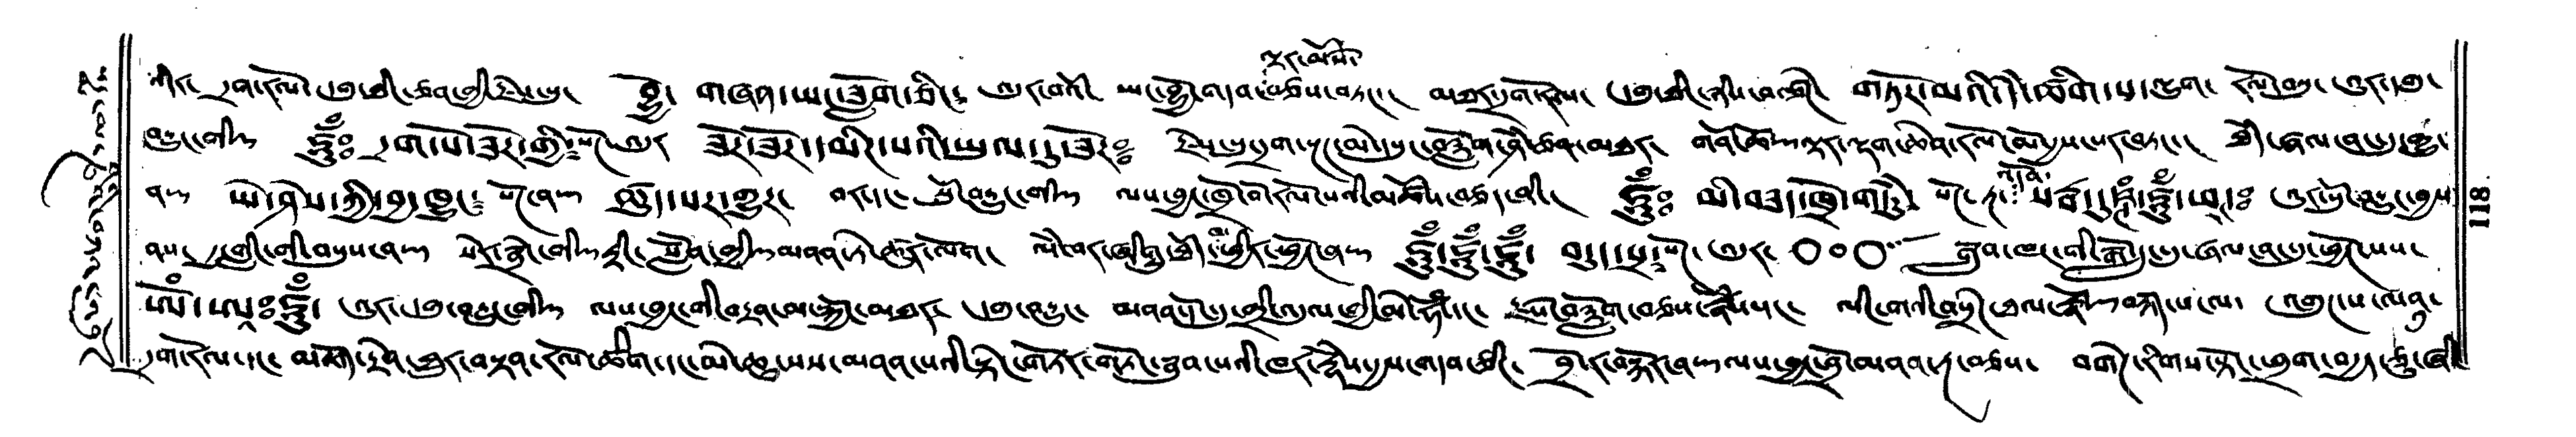༡༡༨༽ འདིར། དྲག་རོལ། དགུ་ཐིང་ཅན་གྱི་རྗེས་སུ། བྷྱོ༔ གཞན་ཡང་ཟློག་ཅིང༴ འདུར་བའམ། ཡང་བྷྱོ་གདབ་ལྟར་མཚམས་བཅས་བཏང་། མཐར་དྲག་རོལ། དགུ་ཐིང་ཉིས་བརྩེགས། གཏོར་མའི་དམ་ཚིག་པ༴ ལྷུག རོལ་བསུ། འུར་དགུ་
རྡུང་གིས། ཧཱུྃ༔ དྲག་པོ་ཟོར་གྱི༴ སོགས། འུར། ཟོར་ཟོར་དམིགས་པའི་ཡུལ་དུ་ཟོར༴ རྗེས་སུ་དྲག་སྔགས་མེ་དཔུང་ཟློག་ཤམ་ཅན་མཐར། གནམ་ཆོས་ལྟར་ལྷག་ཆེན་རོལ་མོ་རྒྱས་པར་བཏང་།ཐམས་ཅད་ཞལ་ནང་དུ་གྱུར་
ནས། ཡེ་ཤེས་ཀྱི་བྱ་ཁྱུང༴ སོགས་ནས། ཚུད་པར་གྱུར༔ བར་དང་། སུམ་རྡུང་གིས། ལས་བྱང་ཁྲོ་བོ་རོལ་པའི་མཚམས་གཅོད་ནི། ཧཱུྃ༔ མི་བཟད་ཁྲོ་གཏུམ༴ སོགས་རྔ་འདོན། སརྦ་དུཥྚན་ཧཱུྃ་ཕཊ༔ འུར་སུམ་རྡུང་
དང་རྒྱ་གླིང་གིས་བསུས་ནས་སེར་སྦྲེང་རྟིང་སློབ་དཔོན་གྱིས་མནན་ཏེ་ཚུར་ལོག ལམ་བར་ཞིག་ཏུ་ཐམས་ཅད་ཁ་ཕྱིར་ཕྱོགས་ནས། ཧཱུྃ་ཧཱུྃ་ཧཱུྃ༔ བདུད་པྲ༴ སོགས། འདུར། སྒྲུབ་ཁང་གི་སྒོ་དྲུང་དུ་ཞལ་ནང་དུ་ཕྱོགས་པས། 
ཨོཾ་ཨཱཿཧཱུྃ༔ འུར། དགུ་རྡུང་གིས། ལས་བྱང་གི་བརྟན་མ་བསྐྱངས་མཐར། དགུ་རྡུང་། མནན་དོང་དུ་གྲི་འདུལ་གྱི་མེ་ཧོམ་དང་། རྫས་ཟློག་བཅས་དང་། ལིང་གའི་བསྲེགས་ཐལ་རྣམས་བཀོད་པ་ལ། འགུགས་པ་ལན་གཅིག 
དྲག་རོལ་དང་། མཆོད་རྟེན་ཐུར་བསྟན་རོ་སོལ་དང་མེ་ཆུ་སས་མནན་པའི་སྟེང་གཞོར་གཏོང་སྦུབས་པའི་ཁར་རྡོ་རྗེས་རྒྱས་གདབ་ཅིང་། བྲོ་ར་བསྐོར་ནས་ལས་བྱང་བྲོ་མནན་རྔ་བཅས། བགེགས་རིགས་སྟོང་ཕྲག་བརྒྱད་ཅུ་ཞི་བ་དང་།